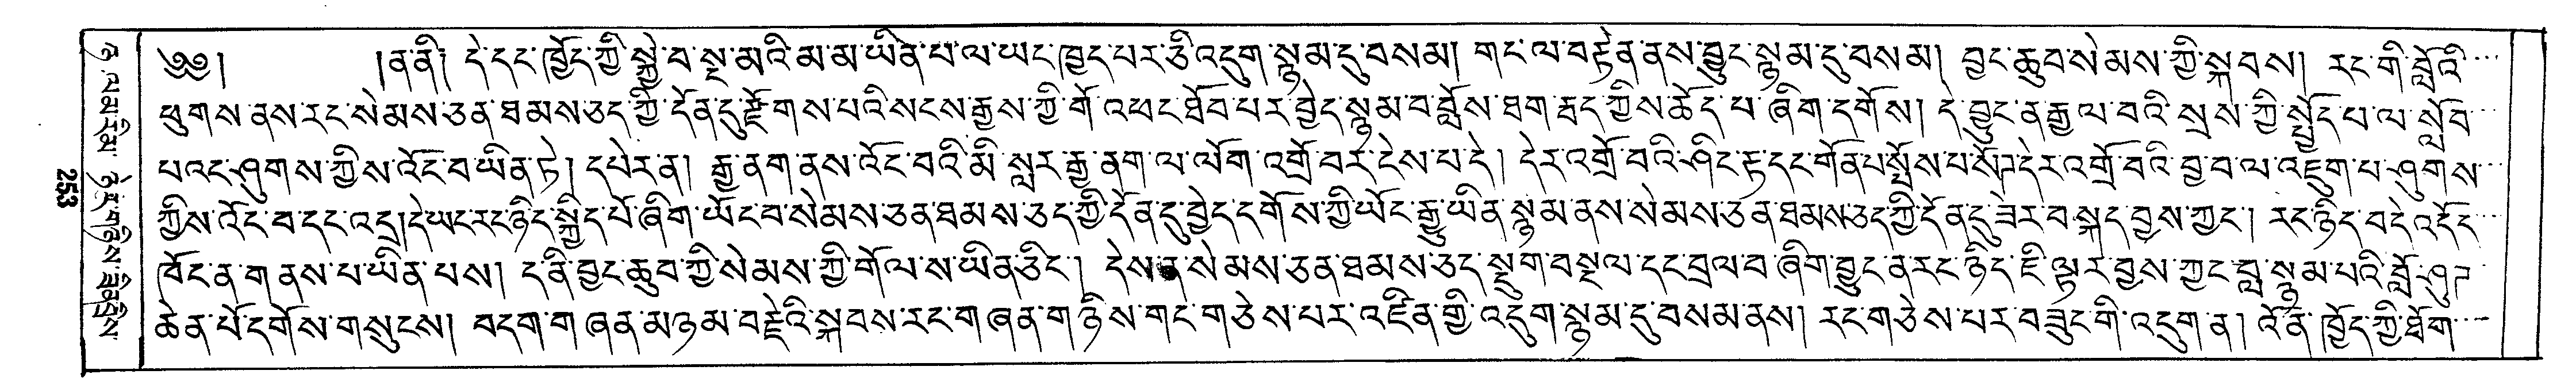༄༅། །ན་ནི༑ དེ་དང་ཁྱོད་ཀྱི་སྐྱེ་བ་སྔ་མའི་མ་མ་ཡིན་པ་ལ་ཡང་ཁྱད་པར་ཅི་འདུག་སྙམ་དུ་བསམ། གང་ལ་བརྟེན་ནས་བྱུང་སྙམ་དུ་བསམ། བྱང་ཆུབ་སེམས་ཀྱི་སྐབས། རང་གི་བློའི་
ཕུགས་ནས་རང་སེམས་ཅན་ཐམས་ཅད་ཀྱི་དོན་དུ་རྫོགས་པའི་སངས་རྒྱས་ཀྱི་གོ་འཕང་ཐོབ་པར་བྱེད་སྙམ་པ་བློས་ཐག་རྦད་ཀྱིས་ཆོད་པ་ཞིག་དགོས། དེ་བྱུང་ན་རྒྱལ་བའི་སྲས་ཀྱི་སྤྱོད་པ་ལ་སློབ་
པའང་ཤུགས་ཀྱིས་འོང་བ་ཡིན་ཏེ། དཔེར་ན། རྒྱ་ནག་ནས་འོང་བའི་མི་སླར་རྒྱ་ནག་ལ་ལོག་འགྲོ་བར་ངེས་པ་དེ། དེར་འགྲོ་བའི་ཤིང་རྟ་དང་གོན་པ་སྤོས་པ་སོཌ་དེར་འགྲོ་བའི་བྱ་བ་ལ་འཇུག་པ་ཤུགས་
ཀྱིས་འོང་བ་དང་འདྲ། དེ་ཡང་རང་ཉིད་སྐྱིད་པོ་ཞིག་ཡོང་བ་སེམས་ཅན་ཐམས་ཅད་ཀྱི་དོན་དུ་བྱེད་དགོས་ཀྱི་ཡོང་རྒྱུ་ཡིན་སྙམ་ནས་སེམས་ཅན་ཐམས་ཅད་ཀྱི་དོན་དུ་ཟེར་བ་སྐད་བྱས་ཀྱང་། རང་ཉིད་བདེ་འདོད་
ཁོང་ན་གནས་པ་ཡིན་པས། དེ་ནི་བྱང་ཆུབ་ཀྱི་སེམས་ཀྱི་གོལ་ས་ཡིན་ཅིང་། དེས་ན་སེམས་ཅན་ཐམས་ཅད་སྡུག་བསྔལ་དང་བྲལ་བ་ཞིག་བྱུང་ན་རང་ཉིད་ཇི་ལྟར་བྱས་ཀྱང་བླ་སྙམ་པའི་བློ་ཤུཌ་
ཆེན་པོ་དགོས་གསུངས། བདག་གཞན་མཉམ་བརྗེའི་སྐབས་རང་གཞན་གཉིས་གང་གཅེས་པར་འཛིན་གྱི་འདུག་སྙམ་དུ་བསམ་ནས། རང་གཅེས་པར་བཟུང་གི་འདུག་ན། འོ་ན་ཁྱོད་ཀྱི་ཐོག་